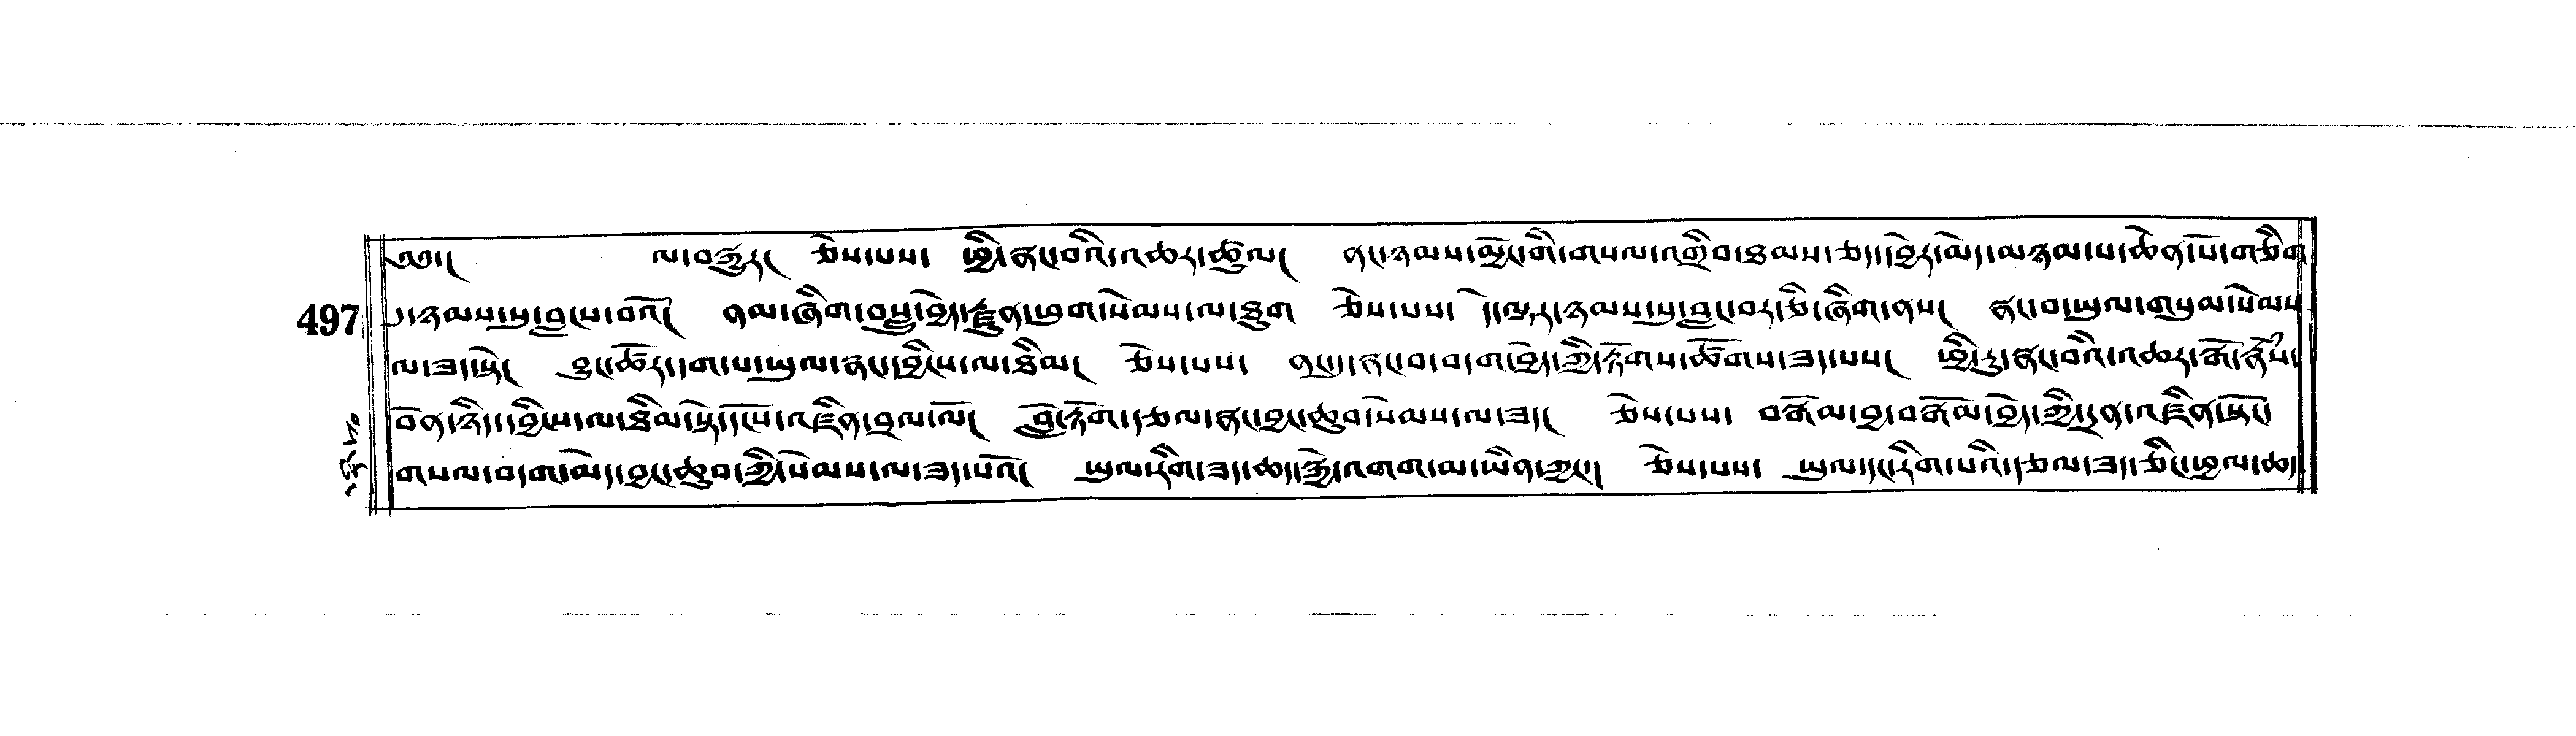ལ་བསྒྱུར། ཅེས་པས། ཕྱི་སྣང་བའི་འཆར་ཚུལ། ནང་ཉམས་མྱོང་གི་གསལ་འགྲིབ་ཐམས་ཅད་དབྱེར་མེད་མཉམ་པ་ཆེན་པོ་གཅིག་
ཏུ་ཉམས་སུ་བླང་བའོ། ནམ་ཞིག་བསླུ་བྱེད་རྫུན་ཕུག་སེམས་ལ་ཐུག ཅེས་པས། དེ་ལྟར་ཉམས་སུ་བླང་བར་ཅི་ཞིག་ནས། སྣང་བ་ཡུལ་གསུམ་སེམས་
ལ་ཟད་དེ། བྱུང་ཚོར་དག་པ་ཡུལ་སྣང་དབྱིངས་ལ་ཐིམ། ཅེས་པས། ནང་དུ་སྣང་བ་བདག་བྱེད་ཀྱི་རྟོག་ཚོགས་ཟད་པས། ཕྱི་རུ་སྣང་བའི་འཆར་སྒོ་རྣམས། 
བོན་ཉིད་དབྱིངས་ལ་ཐིམ་སྟེ་ངོས་འཛིན་བྲལ་ལོ། བློ་རྟོག་རྩལ་སྣང་བྱང་ཆུབ་སེམས་ལ་ཟད། ཅེས་པས། བསྒོམ་བྱ་སྒོམ་བྱེད་ཀྱི་དྲན་འཛིན་སྟོང་
གསལ་བདག་མེད་བྱང་ཆུབ་ཀྱི་སེམས་ལ་ཟད་པའོ། ཡུལ་རིག་ཟད་ཆད་སྐྱེ་འགག་མ་ཡིན་ཀྱང་། ཅེས་པས། ཡུལ་དང་རིག་པའི་རྩལ་ཟད་ཅིང་ཕྱལ་ཆད་